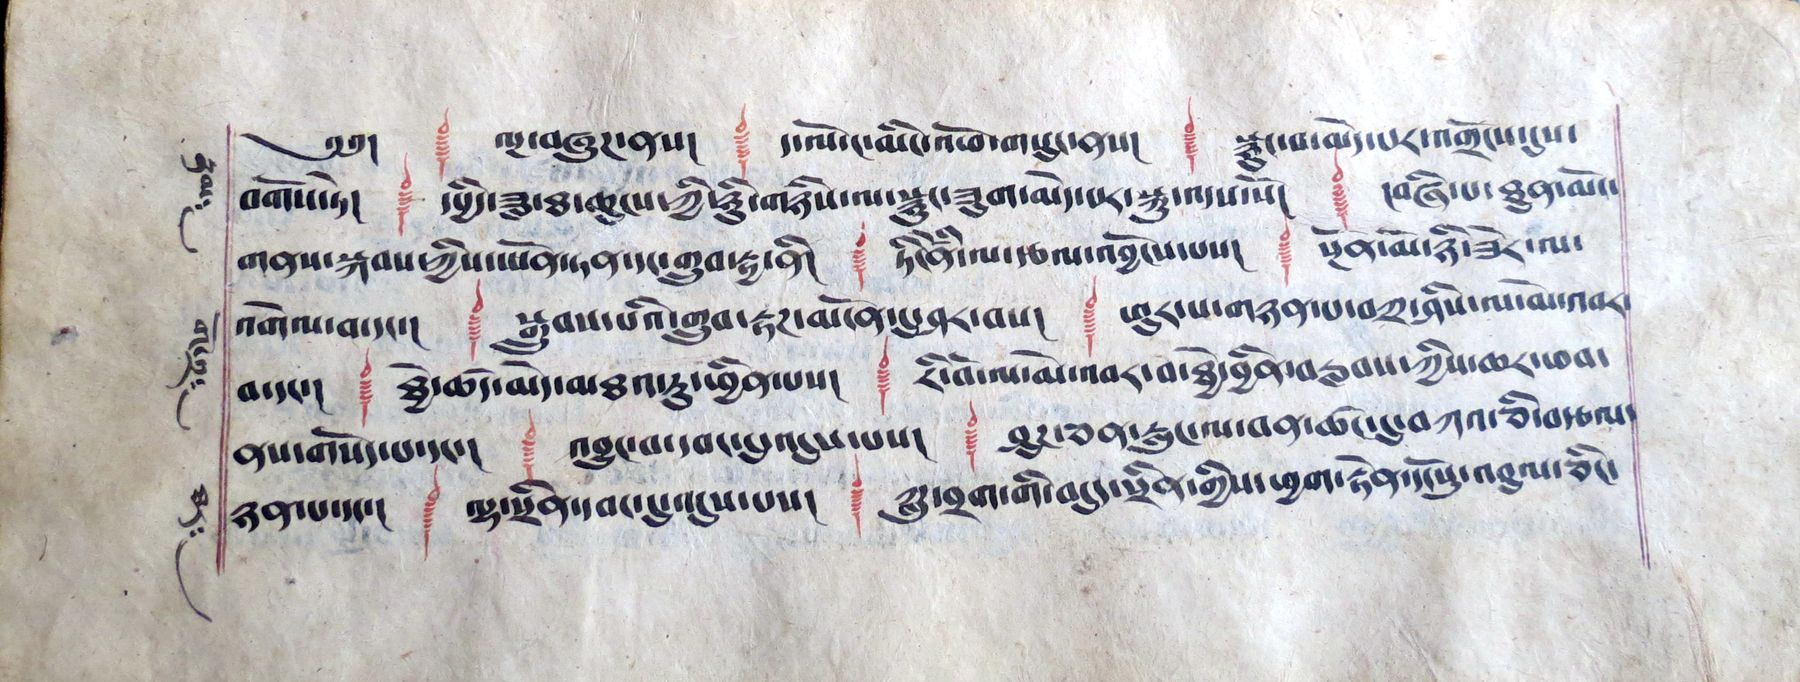ལྔ་བཞུགས་ནས། ད་ལོ་ངའི་མིང་འཕོ་གསུངས་ནས། བསྙུང་བ་མེད་པར་གྲོངས་དུས་
བགོས་ཏེ། དཔྱིད་ཟླ་ཐ་ཆུང་གི་ཉི་ཤུ་གཉིས་ལ་བསྙུང་ཟུག་མེད་པར་སྐུ་འདས་སོ། ། བཞི་པ་ཐུན་མོང་དང་
གནས་སྐབས་ཀྱི་ཡོན་ཏན་གྲུབ་རྟགས་ནི། ཏིང་ངེ་འཛིན་ལ་རྩལ་འབྱོང་པས། སྔོན་མོ་ཉི་ཟེར་ལ་
འགེལ་བ་དང་། བསྒྲུབས་པའི་གྲུབ་རྟགས་མངོན་དུ་ཤར་བས། ཕུར་པ་གཉན་ས་བཀྲ་ཤིས་ལ་མེ་འབར་
བ་དང་། ཐུགས་རྗེ་ཚད་མེད་མཐའ་རུ་ཕྱིན་པས། རི་བོ་ལ་མེ་འབར་བ་ཐུགས་རྗེ་བྱིན་རླབས་ཀྱིས་ཆར་ཕབ་
ནས་གསོད་པ་དང་། འབྱུང་བ་དབང་དུ་འདུས་པས། ཤུགས་ཅན་རླུང་ལ་བན་ཚད་དུ་བཀའ་ཅི་སྩལ་
ཉན་པ་དང་། ལྷ་སྲིན་དབང་དུ་འདུས་པས། ཀླུ་བྲག་གི་བདུད་སྲིན་གྱིས་ཕྱག་རྟེན་དངོས་སུ་འབུལ་ཅིང་